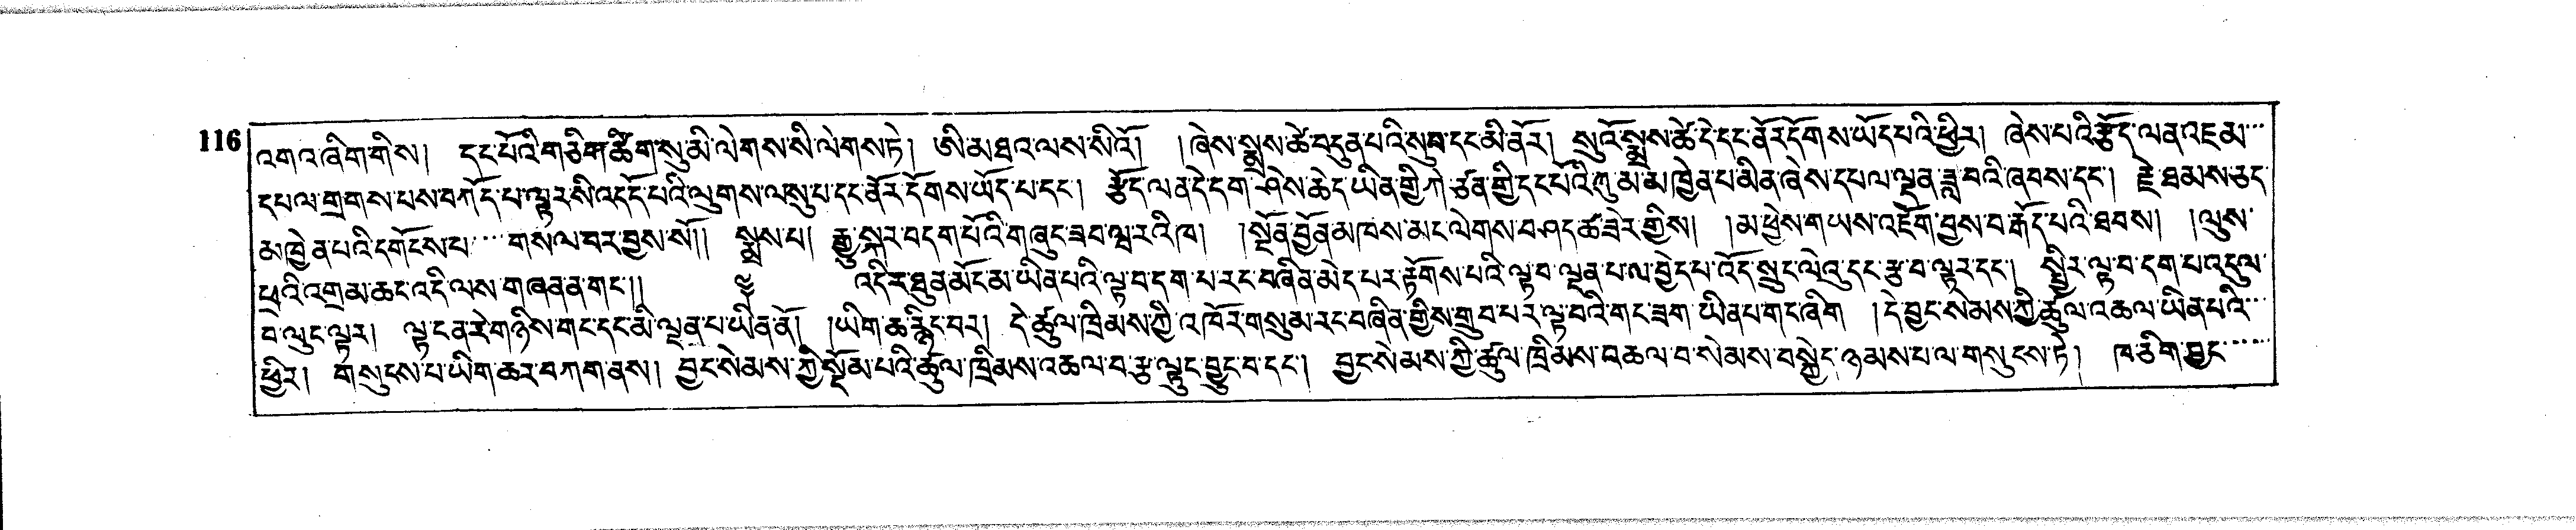འགའ་ཞིག་གིས། དང་པོའི་གཅིག་ཚིག་སུ་མི་ལེགས་སི་ལེགས་ཏེ། ཨི་མཐའ་ལས་སིའོ། །ཞེས་སྨྲས་ཚེ་བདུན་པའི་སུབ་དང་མི་ནོར། སུའོ་སྨྲས་ཚེ་དེ་དང་ནོར་དོགས་ཡོད་པའི་ཕྱིར། ཞེས་པའི་རྩོད་ལན་འཇམ་
དཔལ་གྲགས་པས་བཀོད་པ་ལྟར་སི་འདོད་པའི་ལུགས་ལ་སུ་པ་དང་ནོར་དོགས་ཡོད་པ་དང་། རྩོད་ལན་དེ་དག་ཤེས་ཆེད་ཡིན་གྱི་ཀེ་ཙན་གྱི་དང་པོའི་ཀུ་མ་མཁྱེན་པ་མིན་ཞེས་དཔལ་ལྡན་ཟླ་བའི་ཞབས་དང་། རྗེ་ཐམས་ཅད་
མཁྱེན་པའི་དགོངས་པ་གསལ་བར་བྱས་སོ། །སྨྲས་པ། རྒྱུ་སྐར་བདག་པོའི་གཞུང་ཟབ་ཝ་རའི་ཁ། །སྔོན་བྱོན་མཁས་མང་ལེགས་བཤད་ཚ་ཟེར་གྱིས། །མ་ཕྱེས་གཡས་འཇོག་བྱས་བ་རྒོད་པའི་ཐབས། །ལུས་
ཕྲའི་འགྲམ་ཆང་འདི་ལས་གཞན་ན་གང།། ༈ འདིར་ཐུན་མོང་མ་ཡིན་པའི་ལྟ་བ་དག་པ་རང་བཞིན་མེད་པར་རྟོགས་པའི་ལྟ་བ་ལྡན་པ་ལ་བྱེད་པ་འོད་སྲུང་ལེའུ་དང་རྩ་བ་ལྟར་དང་། སྤྱིར་ལྟ་བ་དག་པ་འདུལ་
བ་ལུང་ལྟར། ལྟ་ངན་རེ་གཉིས་གང་དང་མི་ལྡན་པ་ཡིན་ནོ། །ཡིག་ཆ་རྙིང་བར། དེ་ཚུལ་ཁྲིམས་ཀྱི་འཁོར་གསུམ་རང་བཞིན་གྱིས་གྲུབ་པར་ལྟ་བའི་གང་ཟག་ཡིན་པ་གང་ཞིག། དེ་བྱང་སེམས་ཀྱི་ཚུལ་འཆལ་ཡིན་པའི་
ཕྱིར། གསུངས་པ་ཡིག་ཆར་བཀག་ནས། བྱང་སེམས་ཀྱི་སྡོམ་པའི་ཚུལ་ཁྲིམས་འཆལ་བ་རྩ་ལྟུང་བྱུང་བ་དང་། བྱང་སེམས་ཀྱི་ཚུལ་ཁྲིམས་འཆལ་བ་སེམས་བསྐྱེད་ཉམས་པ་ལ་གསུངས་ཏེ། ཁ་ཅིག་བྱང་